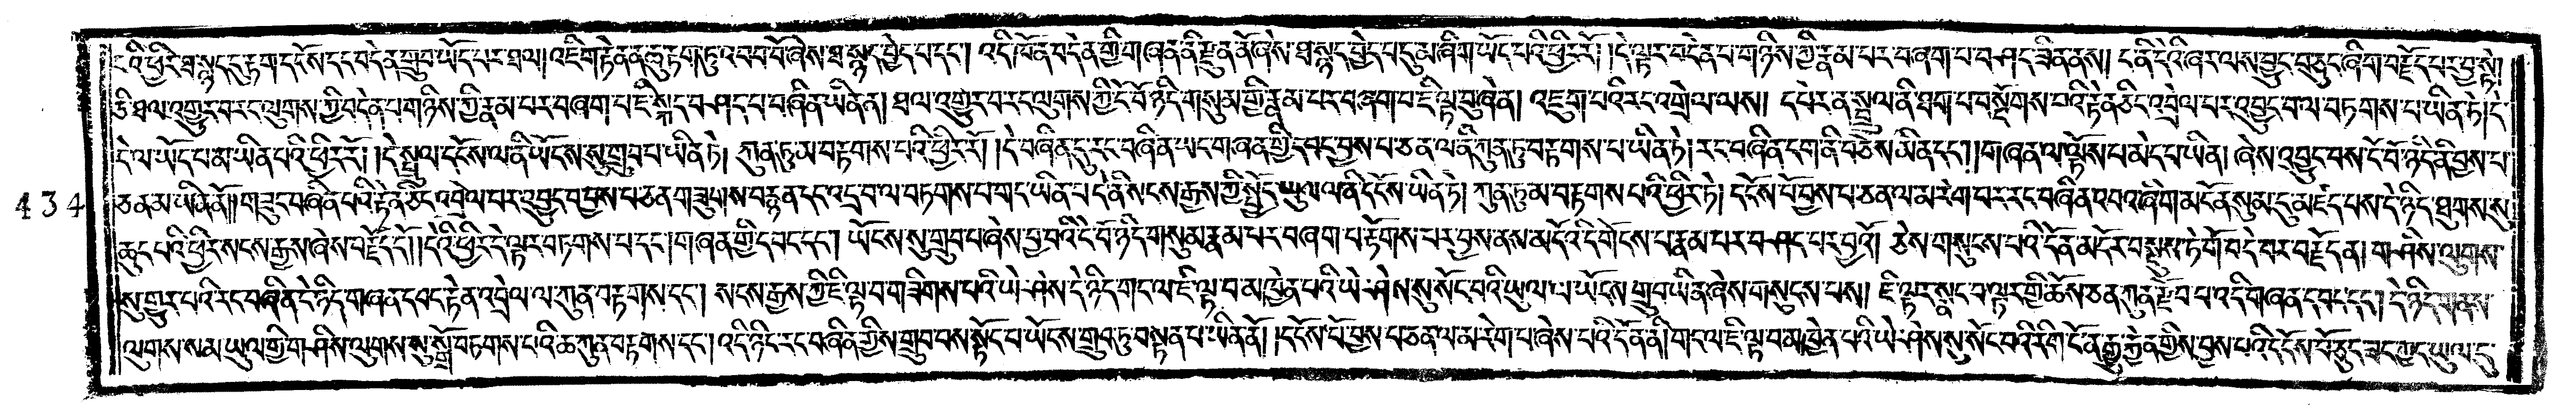བའི་ཕྱིར་ཐ་སྙད་དུ་རྟག་དངོས་དང་བདེན་གྲུབ་ཡོད་བར་ཐལ། འཇིག་རྟེན་ན་ཆུ་རྟག་ཏུ་འབབ་བོ་ཞེས་ཐ་སྙད་བྱེད་པ་དང་། འདི་ཁོ་ན་བདེན་གྱི་གཞན་ནི་རྫུན་ནོ་ཞེས་ཐ་སྙད་བྱེད་པ་དུ་མ་ཞིག་ཡོད་པའི་ཕྱིར་རོ། །དེ་ལྟར་བདེན་པ་གཉིས་ཀྱི་རྣམ་པར་བཞག་པ་བཤད་ཟིན་ནས། ད་ནི་དེའི་ཞར་ལས་བྱུང་བཅུང་ཞིག་བརྗོད་པར་བྱ་སྟེ།
ཅི་ཐལ་འགྱུར་བ་རང་ལུགས་ཀྱི་བདེན་པ་གཉིས་ཀྱི་རྣམ་པར་བཞག་པ་ཇི་སྐད་བཤད་པ་བཞིན་ཡིན་ན། ཐལ་འགྱུར་བ་རང་ལུགས་ཀྱི་ངོ་བོ་ཉིད་གསུམ་གྱི་རྣམ་པར་བཞག་པ་ཇི་ལྟ་བུ་ཞེ་ན། འཇུག་པའི་རང་འགྲེལ་ལས། དཔེར་ན་སྦྲུལ་ནི་ཐག་པ་བསྔོགས་པའི་རྟེན་ཅིང་འབྲེལ་པར་འབྱུང་བ་ལ་བཏགས་པ་ཡིན་ཏེ། དེ་
དེ་ལ་ཡོད་པ་མ་ཡིན་པའི་ཕྱིར་རོ། །དེ་སྤྲུལ་དངོས་ལ་ནི་ཡོངས་སུ་གྲུབ་པ་ཡིན་ཏེ། ཀུན་ཏུ་མ་བརྟགས་པའི་ཕྱིར་རོ། །དེ་བཞིན་དུ་རང་བཞིན་ཡང་གཞན་གྱི་དབང་བྱས་པ་ཅན་ལ་ནི་ཀུན་ཏུ་བརྟགས་པ་ཡིན་ཏེ། རང་བཞིན་དག་ནི་བཅེས་མིན་དང་། །གཞན་ལ་ལྟོས་པ་མེད་པ་ཡིན། ཞེས་འབྱུང་བས་ངོ་བོ་ཉིད་ནི་བྱས་པ་
ཅན་མ་ཡིན་ནོ། །གཟུང་བཞིན་པའི་རྟེན་ཅིང་འབྲེལ་པར་འབྱུང་བ་བྱས་བ་ཅན་གཟུགས་བརྙན་དང་འདྲ་བ་ལ་བཏགས་བ་གང་ཡིན་པ་དེ་ནི་སངས་རྒྱས་ཀྱི་སྤྱོད་ཡུལ་ལ་ནི་དངོས་ཡིན་ཏེ། ཀུན་ཏུ་མ་བརྟགས་པའི་ཕྱིར་ཏེ། དངོས་པོ་བྱས་པ་ཅན་ལ་མ་རེག་བར་རང་བཞིན་འབའ་ཞིག་མངོན་སུམ་དུ་མཛད་པས་དེ་ཉིད་ཐུགས་སུ་
ཆུང་པའི་ཕྱིར་སངས་རྒྱས་ཞེས་བརྗོད་དོ། །དེའི་ཕྱིར་དེ་ལྟར་བཏགས་པ་དང་། གཞན་གྱི་དབང་དང་། ཡོངས་སུ་གྲུབ་པ་ཞེས་བྱ་བའི་ངོ་བོ་ཉིད་གསུམ་རྣམ་པར་བཞག་པ་རྟོགས་པར་བྱས་ནས་མདེའི་དགོངས་པ་རྣམ་པར་བཤད་བར་བྱའོ། ཅེས་གསུངས་པའི་དོན་མདོར་བསྡུས་ཏེ་གོ་བདེ་བར་བརྗོད་ན། གཤིས་ལུགས་
སུ་གྱུར་པའི་རང་བཞིན་དེ་ཉིད་གཞན་དབང་རྟེན་འབྲེལ་ལ་ཀུན་བརྟགས་དང་། སངས་རྒྱས་ཀྱི་ཇི་ལྟ་བ་གཟིགས་པའི་ཡེ་ཤེས་དེ་ཉིད་གང་ལ་ཇི་ལྟ་བ་མཁྱེན་པའི་ཡེ་ཤེས་སུ་སོང་བའི་ཡུལ་ལ་ཡོངས་གྲུབ་ཡིན་ཞེས་གསུངས་པས། ཇི་ལྟར་སྣང་བ་ལྟར་གྱི་ཆོས་ཅན་ཀུན་རྫོབ་པ་འདི་གཞན་དབང་དང་། དེ་ཉིད་གནས་
ལུགས་སམ་ཡུལ་གྱི་གཤིས་ལུགས་སུ་སྒྲོ་བཏགས་པའི་ཆ་ཀུན་བརྟགས་དང་། འདི་ཉིད་རང་བཞིན་གྱིས་གྲུབ་པས་སྟོང་པ་ཡོངས་གྲུབ་ཏུ་བསྟན་པ་ཡིན་ནོ། །དངོས་པོ་བྱས་པ་ཅན་ལ་མ་རེག་པ་ཞེས་པའི་དོན་ནི། གང་ལ་ཇི་ལྟ་བ་མཁྱེན་པའི་ཡེ་ཤེས་སུ་སོང་བའི་རིག་ངོ་ན་རྒྱུ་རྐྱེན་གྱིས་བྱས་པའི་དངོས་པོ་ཅུང་ཟད་ཀྱང་ཡུལ་དུ་